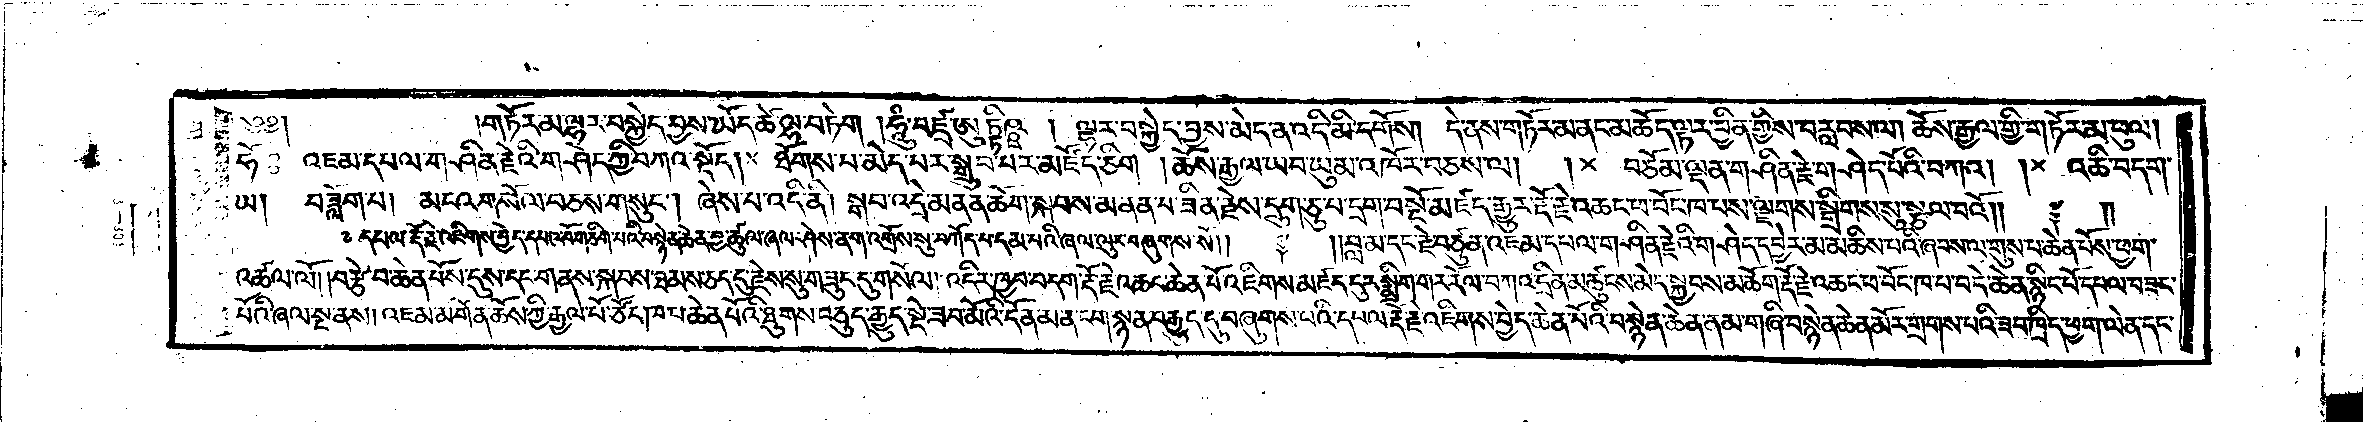༄༅། །གཏོར་མ་ལྷར་བསྐྱེད་བྱས་ཡོད་ཚེ་ལྷ་བཏེག །ཧཱུཾ་བཛྲ་ཨུཏྟིཥཊཿཨ་། ལྷར་བསྐྱེད་བྱས་མེད་ན་འདི་མི་དགོས། དེ་ནས་གཏོར་མ་ནང་མཆོད་ལྟར་བྱིན་གྱིས་བརླབས་ལ། ཆོས་རྒྱལ་གྱི་གཏོར་མ་ཕུལ།
ཧོཿ འཇམ་དཔལ་གཤིན་རྗེའི་གཤེད་ཀྱི་བཀའ་སྡོད།྾་ཐོགས་པ་མེད་པར་སྒྲུབ་པར་མཛོད་ཅིག །ཆོས་རྒྱལ་ཡབ་ཡུམ་འཁོར་བཅས་ལ། །྾་བཅོམ་ལྡན་གཤིན་རྗེ་གཤེད་པོའི་བཀའ། །྾་འཆི་བདག་
ཡ། བཟློག་པ། མངའ་གསོལ་བཅས་གསུང་། ཞེས་པ་འདི་ནི། སྒབ་འདྲེ་མནན་ཆོག་སྐབས་མ་ནན་པ་ཟིན་རྗེས་དྲུག་ཅུ་པ་དྲག་བསྔོ་མཛད་རྒྱུར་རྡོ་རྗེ་འཆང་ཕ་བོང་ཁ་པས་ལྗགས་སྒྲིགས་སུ་སྩལ་བའོ།། ༈ །།
༧དཔལ་རྡོ་རྗེ་འཇིགས་བྱེད་དཔའ་བོ་གཅིག་པའི་བསྙེན་ཆེན་བྱ་ཚུལ་ཞལ་ཤེས་ནག་འགྲོས་སུ་བཀོད་པ་དམ་པའི་ཞལ་ལུང་བཞུགས་སོ།། ༈ །།བླ་མ་དང་རྗེ་བཙུན་འཇམ་དཔལ་གཤིན་རྗེའི་གཤེད་དབྱེར་མ་མཆིས་པའི་ཞབས་ལ་གུས་པ་ཆེན་པོས་ཕྱག་
འཚལ་ལོ། །བརྩེ་བ་ཆེན་པོས་དུས་དང་གནས་སྐབས་ཐམས་ཅད་དུ་རྗེས་སུ་གཟུང་དུ་གསོལ་འདིར་ཁྱབ་བདག་རྡོ་རྗེ་འཆང་ཆེན་པོ་འཇིགས་མཛད་དུར་སྨྲིག་གར་རོལ་བཀའ་དྲིན་མཚུངས་མེད་སྐྱབས་མཆོག་རྡོ་རྗེ་འཆང་ཕ་བོང་ཁ་པ་བདེ་ཆེན་སྙིང་པོ་དཔལ་བཟང་
པོའི་ཞལ་སྔ་ནས། འཇམ་མགོན་ཆོས་ཀྱི་རྒྱལ་པོ་ཙོང་ཁ་པ་ཆེན་པོའི་ཐུགས་བཅུད་རྒྱུད་སྡེ་ཟབ་མོའི་དོན་མན་ངག་སྙན་བརྒྱུད་དུ་བཞུགས་པའི་དཔལ་རྡོ་རྗེ་འཇིགས་བྱེད་ཆེན་པོའི་བསྙེན་ཆེན་ནམ་གཞི་བསྙེན་ཆེན་མོར་གྲགས་པའི་ཟབ་ཁྲིད་ཕྱག་ལེན་དང་